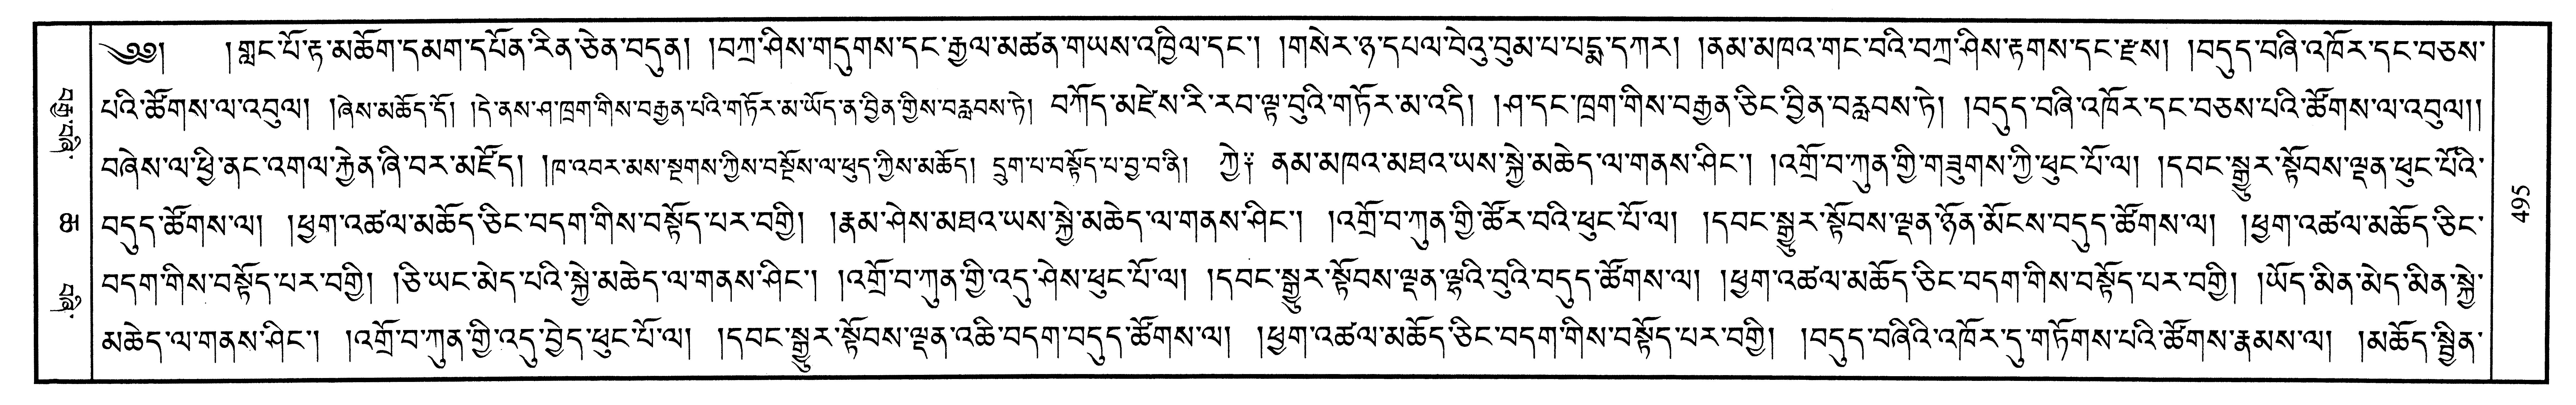༄༅། །གླང་པོ་རྟ་མཆོག་དམག་དཔོན་རིན་ཅེན་བདུན། །བཀྲ་ཤིས་གདུགས་དང་རྒྱལ་མཚན་གཡས་འཁྱིལ་དང་། །གསེར་ཉ་དཔལ་བེའུ་བུམ་པ་པདམ་དཀར། །ནམ་མཁའ་གང་བའི་བཀྲ་ཤིས་རྟགས་དང་རྫས། །བདུད་བཞི་འཁོར་དང་བཅས་
པའི་ཚོགས་ལ་འབུལ། །ཞེས་མཆོད་དོ། །དེ་ནས་ཤ་ཁྲག་གིས་བརྒྱན་པའི་གཏོར་མ་ཡོད་ན་བྱིན་གྱིས་བརླབས་ཏེ། བཀོད་མཛེས་རི་རབ་ལྟ་བུའི་གཏོར་མ་འདི། །ཤ་དང་ཁྲག་གིས་བརྒྱན་ཅིང་བྱིན་བརླབས་ཏེ། །བདུད་བཞི་འཁོར་དང་བཅས་པའི་ཚོགས་ལ་འབུལ།།
བཞེས་ལ་ཕྱི་ནང་འགལ་རྐྱེན་ཞི་བར་མཛོད། །ཁ་འབར་མས་སྔགས་ཀྱིས་བསྔོས་ལ་ཕུད་ཀྱིས་མཆོད། དྲུག་པ་བསྟོད་པ་བྱ་བ་ནི། ཀྱེ༈ ནམ་མཁའ་མཐའ་ཡས་སྐྱེ་མཆེད་ལ་གནས་ཤིང་། །འགྲོ་བ་ཀུན་གྱི་གཟུགས་ཀྱི་ཕུང་པོ་ལ། །དབང་སྒྱུར་སྟོབས་ལྡན་ཕུང་པོའི་
བདུད་ཚོགས་ལ། །ཕྱག་འཚལ་མཆོད་ཅིང་བདག་གིས་བསྟོད་པར་བགྱི། །རྣམ་ཤེས་མཐའ་ཡས་སྐྱེ་མཆེད་ལ་གནས་ཤིང་། །འགྲོ་བ་ཀུན་གྱི་ཚོར་བའི་ཕུང་པོ་ལ། །དབང་བསྒྱུར་སྟོབས་ལྡན་ཉོན་མོངས་བདུད་ཚོགས་ལ། །ཕྱག་འཚལ་མཆོད་ཅིང་
བདག་གིས་བསྟོད་པར་བགྱི། །ཅི་ཡང་མེད་པའི་སྐྱེ་མཆེད་ལ་གནས་ཤིང་། །འགྲོ་བ་ཀུན་གྱི་འདུ་ཤེས་ཕུང་པོ་ལ། །དབང་སྒྱུར་སྟོབས་ལྡན་ལྷའི་བུའི་བདུད་ཚོགས་ལ། །ཕྱག་འཚལ་མཆོད་ཅིང་བདག་གིས་བསྟོད་པར་བགྱི། །ཡོད་མིན་མེད་མིན་སྐྱེ་
མཆེད་ལ་གནས་ཤིང་། །འགྲོ་བ་ཀུན་གྱི་འདུ་བྱེད་ཕུང་པོ་ལ། །དབང་སྒྱུར་སྟོབས་ལྡན་འཆི་བདག་བདུད་ཚོགས་ལ། །ཕྱག་འཚལ་མཆོད་ཅིང་བདག་གིས་བསྟོད་པར་བགྱི། །བདུད་བཞིའི་འཁོར་དུ་གཏོགས་པའི་ཚོགས་རྣམས་ལ། །མཆོད་སྦྱིན་